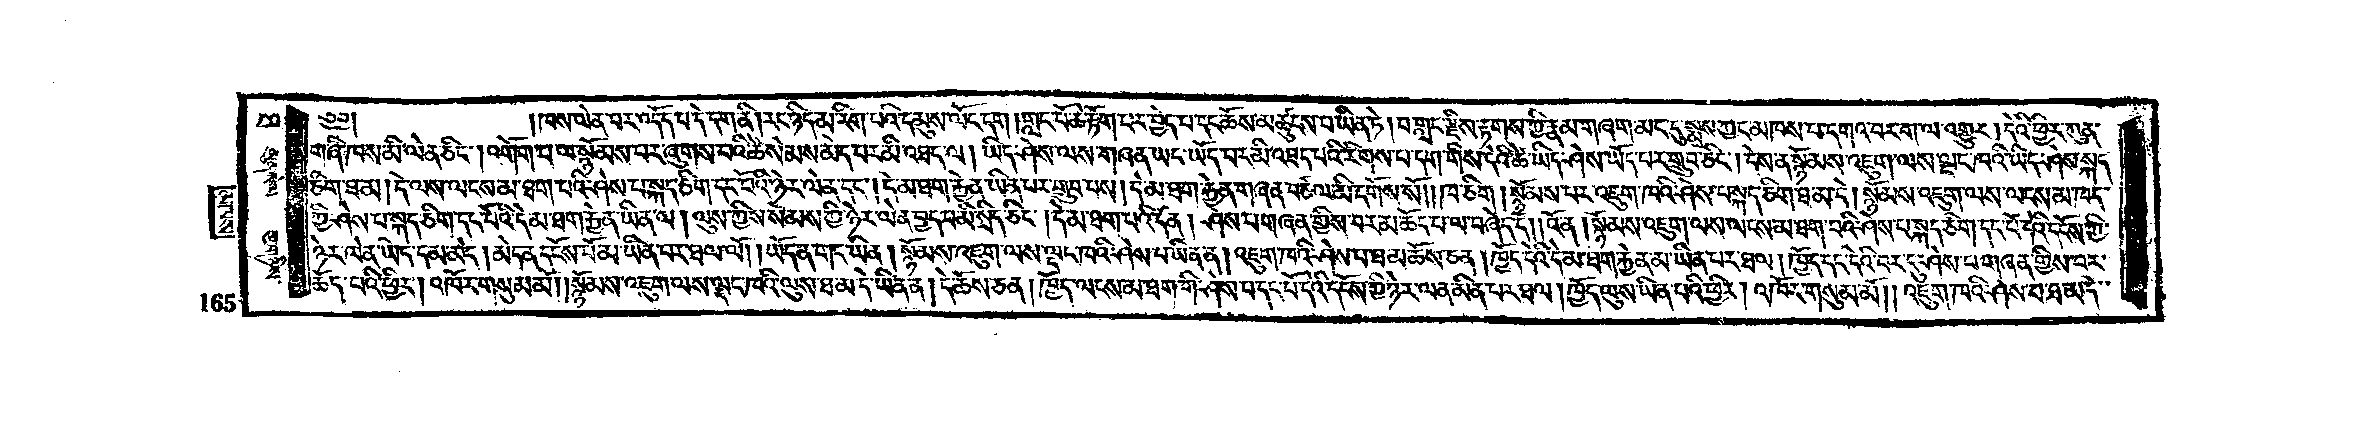༄༅། །ཁས་ལེན་པར་འདོད་པ་དེ་དག་ནི། རང་ཉིད་མ་རིག་པའི་དམུས་ལོང་དག །གླང་པོ་ཆེ་རྟོག་པར་བྱེད་པ་དང་ཆོས་མཚུངས་པ་ཡིན་ཏེ། བ་གླང་རྫིས་རྟགས་ཀྱི་རྣམ་གཞག་མང་དུ་སྨྲས་ཀྱང་མཁས་པ་དགའ་བར་ག་ལ་འགྱུར། དེའི་ཕྱིར་ཀུན་
གཞི་ཁས་མི་ལེན་ཅིང་། འགོག་པ་ལ་སྙོམས་པར་ཞུགས་པའི་ཚེ་སེམས་མེད་པར་མི་འཐད་ལ། ཡིད་ཤེས་ལས་གཞན་ཡང་ཡོད་པར་མི་འཐད་པའི་རིགས་པ་དག་གིས་དེའི་ཚེ་ཡིད་ཤེས་ཡོད་པར་གྲུབ་ཅིང་། དེས་ན་སྙོམས་འཇུག་ལས་ལྡང་ཁའི་ཡིད་ཤེས་སྐད་
ཅིག་ཐ་མ། དེ་ལས་ལངས་མ་ཐག་པའི་ཤེས་པ་སྐད་ཅིག་དང་པོའི་ཉེར་ལེན་དང་། དེ་མ་ཐག་རྐྱེན་ཡིན་པར་གྲུབ་པས། དེ་མ་ཐག་རྐྱེན་གཞན་བཙལ་མི་དགོས་སོ། །ཁ་ཅིག །སྙོམས་པར་འཇུག་ཁའི་ཤེས་པ་སྐད་ཅིག་ཐ་མ་དེ། སྙོམས་འཇུག་ལས་ལངས་མ་ཁད་
ཀྱི་ཤེས་པ་སྐད་ཅིག་དང་པོའི་དེ་མ་ཐག་རྐྱེན་ཡིན་ལ། ལུས་ཀྱིས་སེམས་ཀྱི་ཉེར་ལེན་བྱད་པ་མི་སྲིད་ཅིང་། དེ་མ་ཐག་པའི་དོན། ཤེས་པ་གཞན་གྱིས་བར་མ་ཆོད་པ་ལ་བཞེད་དོ། །འོ་ན། སྙོམས་འཇུག་ལས་ལངས་མ་ཐག་པའི་ཤེས་པ་སྐད་ཅིག་དང་པོ་དེའི་དངོས་ཀྱི་
ཉེར་ལེན་ཡོད་དམ་མེད། མེད་ན་དངོས་པོ་མ་ཡིན་པར་ཐལ་ལོ། །ཡོད་ན་གང་ཡིན། སྙོམས་འཇུག་ལས་ལྡང་ཁའི་ཤེས་པ་ཡིན་ན། འཇུག་ཁའི་ཤེས་པ་ཐ་མ་ཆོས་ཅན། ཁྱོད་དེའི་དེ་མ་ཐག་རྐྱེན་མ་ཡིན་པར་ཐལ། ཁྱོད་དང་དེའི་བར་དུ་ཤེས་པ་གཞན་གྱིས་བར་
ཆོད་པའི་ཕྱིར། འཁོར་གསུམ་མོ། །སྙོམས་འཇུག་ལས་ལྡང་ཁའི་ལུས་ཐ་མ་དེ་ཡིན་ན། དེ་ཆོས་ཅན། ཁྱོད་ལངས་མ་ཐག་གི་ཤེས་པ་དང་པོ་དེའི་དངོས་ཀྱི་ཉེར་ལན་མིན་པར་ཐལ། ཁྱོད་ལུས་ཡིན་པའི་ཕྱིར། འཁོར་གསུམ་མོ། །འཇུག་ཁའི་ཤེས་པ་ཐ་མ་དེ་